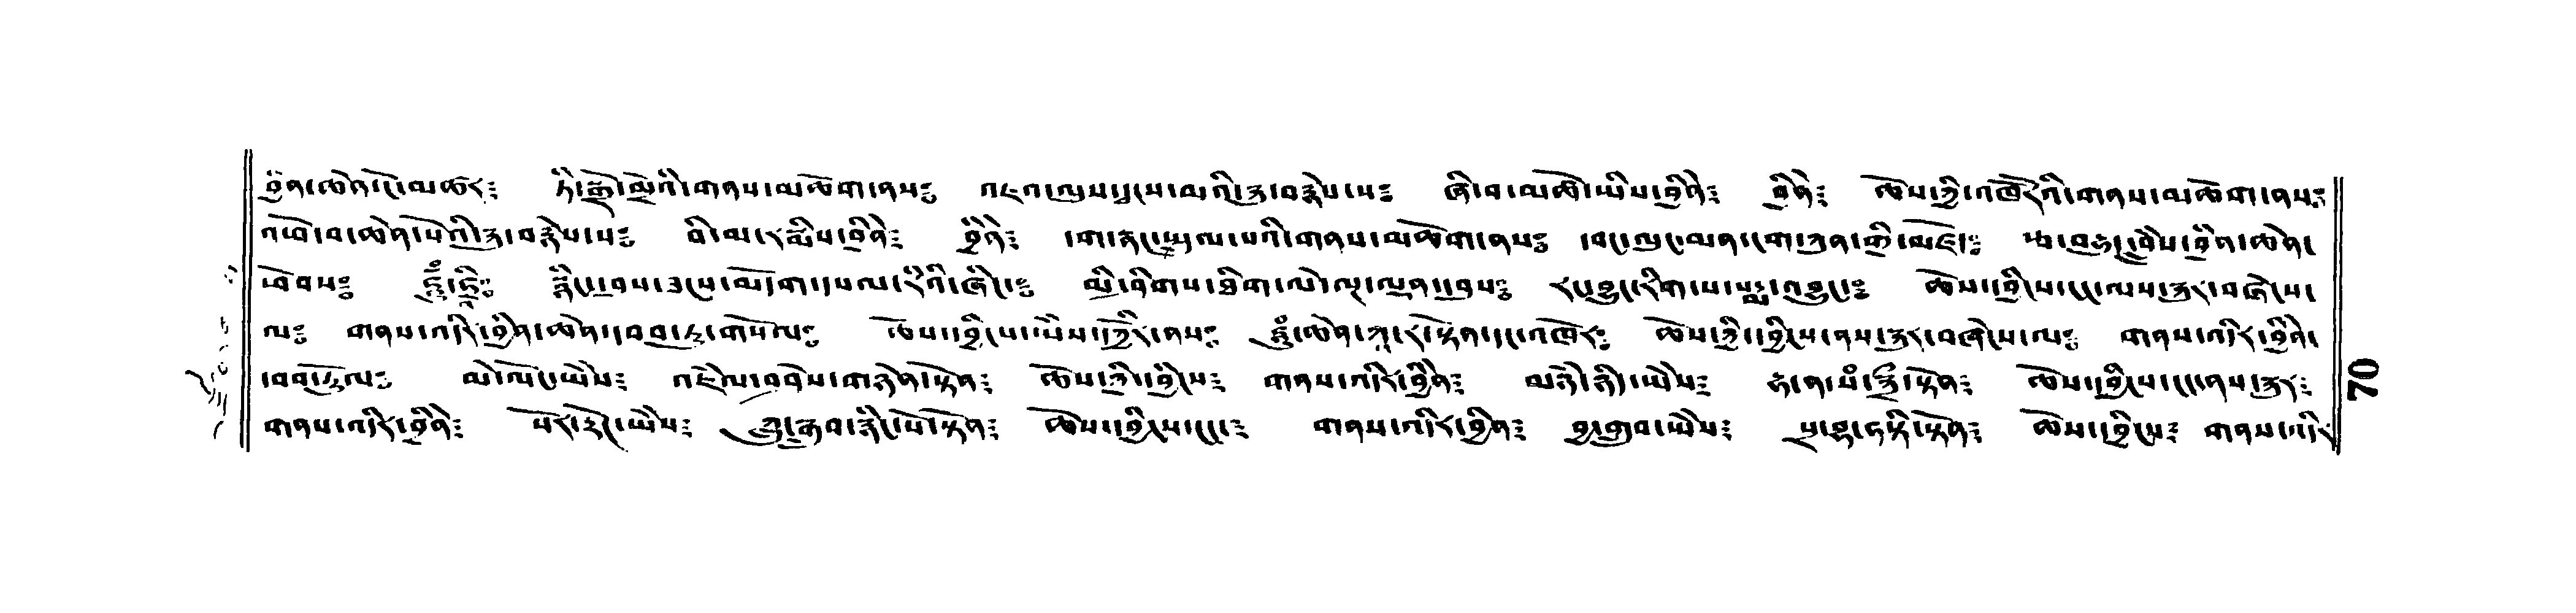བྱིན་ཆེན་ངོ་མཚར༴ ཏི་སྒྲོ་མཁའ་འགྲོའི་གནས་མཆོག་ནས༔ འཇའ་ལུས་དྭངས་མའི་སྐུ་བརྙེས་པ༔ ཞི་བ་མཚོ་ཡིས་བྱིན་ཆེན༴ བྱིན་ཆེན༴ ཆོས་ཀྱི་འཁོར་ལོའི་གནས་མཆོག་ནས༔ 
འཕོ་བ་ཆེན་པོའི་སྐུ་བརྙེས་པ༔ བཱི་མ་རསྨིས་བྱིན་ཆེན༴ བྱིན་ཆེན༴ དག་སྣང་སྤྲུལ་པའི་གནས་མཆོག་ནས༔ དབང་ལུང་མན་ངག་ཀུན་གྱི་མཛོད༔ རྩ་བརྒྱུད་བླ་མས་བྱིན་ཆེན་
ཕོབས༔ ཧཱུྃ༔ཧྲཱིཿ སྙིང་དབུས་ཟངས་མདོག་དཔལ་རིའི་ཞིང༔ མི་ཤིགས་ཐིག་ལེ་ལྔ་ལྡན་དབུས༔ རང་བྱུང་རིག་པ་པདྨ་འབྱུང༔ ཆོས་དབྱིངས་ངང་ལས་སྐུར་བཞེངས་
ལ༔ གནས་འདིར་བྱིན་ཆེན་དབབ་ཏུ་གསོལ༔ ཆོས་དབྱིངས་ཡེ་ཤེས་དཀྱིལ་འཁོར་ནས༔ ཧཱུྃ་ཆེན་ཀཱ་ར་སྟོན་དང་འཁོར༔ ཆོས་ཀྱི་དབྱིངས་ནས་སྐུར་བཞེངས་ལ༔གནས་འདིར་བྱིན་
ཆེན་དབབ་ཏུ་གསོལ༔ མེ་ལོང་ཡེ་ཤེས༴ འཇམ་དཔལ་བཤེས་གཉེན་སྟོན༴ ཆོས་ཀྱི་དབྱིངས༴ གནས་འདིར་བྱིན་ཆེན༴ མཉམ་ཉིད་ཡེ་ཤེས༴ དྷ་ན་སཾ་སྐྲྀ་སྟོན༴ ཆོས་དབྱིངས་ངང་ནས་སྐུར༴ 
གནས་འདིར་བྱིན་ཆེན༴ སོར་རྟོགས་ཡེ་ཤེས༴ ཀླུ་སྒྲུབ་སྙིང་པོ་སྟོན༴ ཆོས་དབྱིངས་ངང༴ གནས་འདིར་བྱིན༴ བྱ་གྲུབ་ཡེ་ཤེས༴ པྲ་བྷ་ཧསྟི་སྟོན༴ ཆོས་དབྱིངས༴ གནས་འདིར་